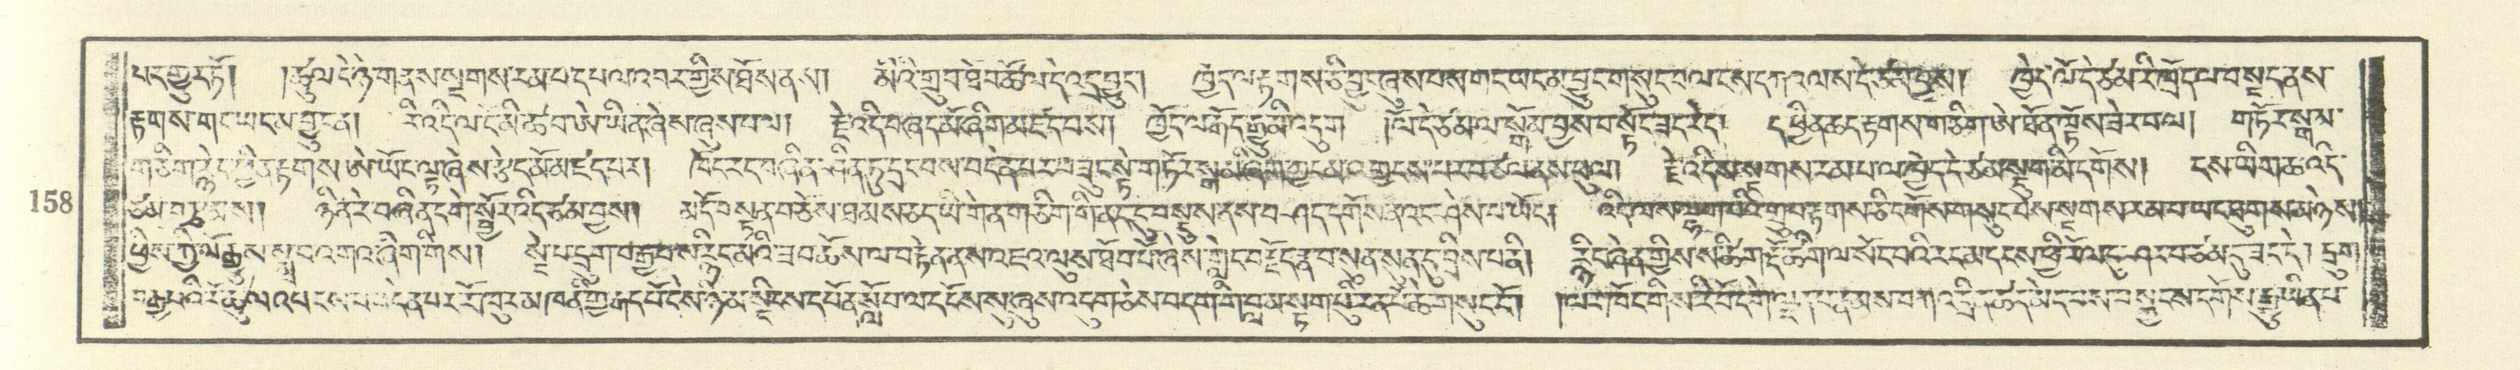བར་གྱུར་ཏོ། །ཚུལ་དེ་ཉེ་གནས་སྔགས་རམ་པ་དཔལ་འབར་གྱིས་ཐོས་ནས། མིའི་གྲུབ་ཐོབ་ཚོལ་དེ་འདྲ་བྱུང་། ཁྱོད་ལ་རྟགས་ཅི་བྱུང་ཞུས་པས་གང་ཡང་མ་བྱུང་གསུང་བ་ལ་ངས་དཀའ་ལས་དེ་ཙམ་བྱས། ཁྱེད་ལོ་དེ་ཙམ་རི་ཁྲོད་ལ་བསྡད་ནས་
རྟགས་གང་ཡང་མ་བྱུང་ན། རི་འདི་ལ་ངོ་མི་ཚ་བ་ཨེ་ཡིན་ཞེས་ཞུས་པ་ལ། རྗེ་འདི་བཞད་མོ་ཞིག་མཛད་པས། ཁྱོད་ལ་རྒོད་རྒྱུ་མི་འདུག །ལ་དེ་ཙམ་ལ་སྒོམ་བྱས་པ་སྟོང་ཟད་རེད། ད་ཕྱིན་ཆད་རྟགས་གཅིག་ཨེ་ཐོན་ལྟོས་ཟེར་བ་ལ། གཏོར་སྒམ་
གཅིག་རྙེད་ཕྱིན་རྟགས་ཨེ་ཡོང་ལྟ་ཞེས་རྩེད་མོ་མཛད་པར། ཁོང་རང་བཞིན་ཤིན་ཏུ་དྲང་བས་བདེན་པར་བཟུང་སྟེ་གཏོར་སྒམ་ཞིག་ཀྱང་མ་འགྱངས་པར་བཙལ་ནས་ཕུལ། རྗེ་འདིས་སྔགས་རམ་པ་ལ་ཁྱོད་དེ་ཙམ་སྡུག་མི་དགོས། ངས་ཡིག་ཆ་འདི་
ཙམ་བརྩམས། ཉིན་རེ་བཞིན་དགེ་སྦྱོར་འདི་ཙམ་བྱས། མདོ་བསྟན་བཅོས་ཐམས་ཅད་ཡི་གེ་ན་གཅིག་གི་ནང་དུ་བསྡུས་ནས་བཤད་དགོས་ནའང་ཤེས་པ་ཡོང་། འདི་ལས་ལྷག་པའི་གྲུབ་རྟགས་ཅི་དགོས་གསུང་པས་སྔགས་རམ་པ་ཡང་ཐུགས་མཉེས།
ཕྱིས་ཀྱི་ལོ་རྒྱུས་སྨྲ་བ་འགའ་ཞིག་གིས། སྡེ་པ་དྲུག་བརྒྱ་པས་རྙིང་མའི་ཟབ་ཆོས་ལ་བརྟེན་ནས་འཇའ་ལུས་ཐོབ་པོ་ཞེས་གླེང་བརྗོད་རྣ་བ་སུན་སུན་དུ་བྲིས་པ་ནི། རྙིང་ཞེན་གྱིས་ས་ཚིག་རྡོ་ཚིག་ལ་སོང་བའི་རང་མདངས་ཕྱི་རོལ་དུ་ཤར་བ་ཙམ་དུ་ཟད་དེ། དྲུག་
བརྒྱ་པའི་རོ་ཆུ་ལ་འཕངས་པ་བདེན་པར་རོ་ཁུར་མཁན་གྱི་རྒད་པོ་དེས་ཉི་མ་སྡིངས་དཔོན་སློབ་ལ་དངོས་སུ་ཞུས་འདུག་ཅེས་བདག་གི་བླ་མ་སྟག་ཕུ་རིན་པོ་ཆེ་གསུང་ངོ། །ལར་ཁོང་གིས་རི་བོ་དགེ་ལྡན་པ་རྣམས་བཀའ་དྲིན་ཚད་མེད་པས་བསྐྱངས་དགོས་རྒྱུ་ཡིན་པ་